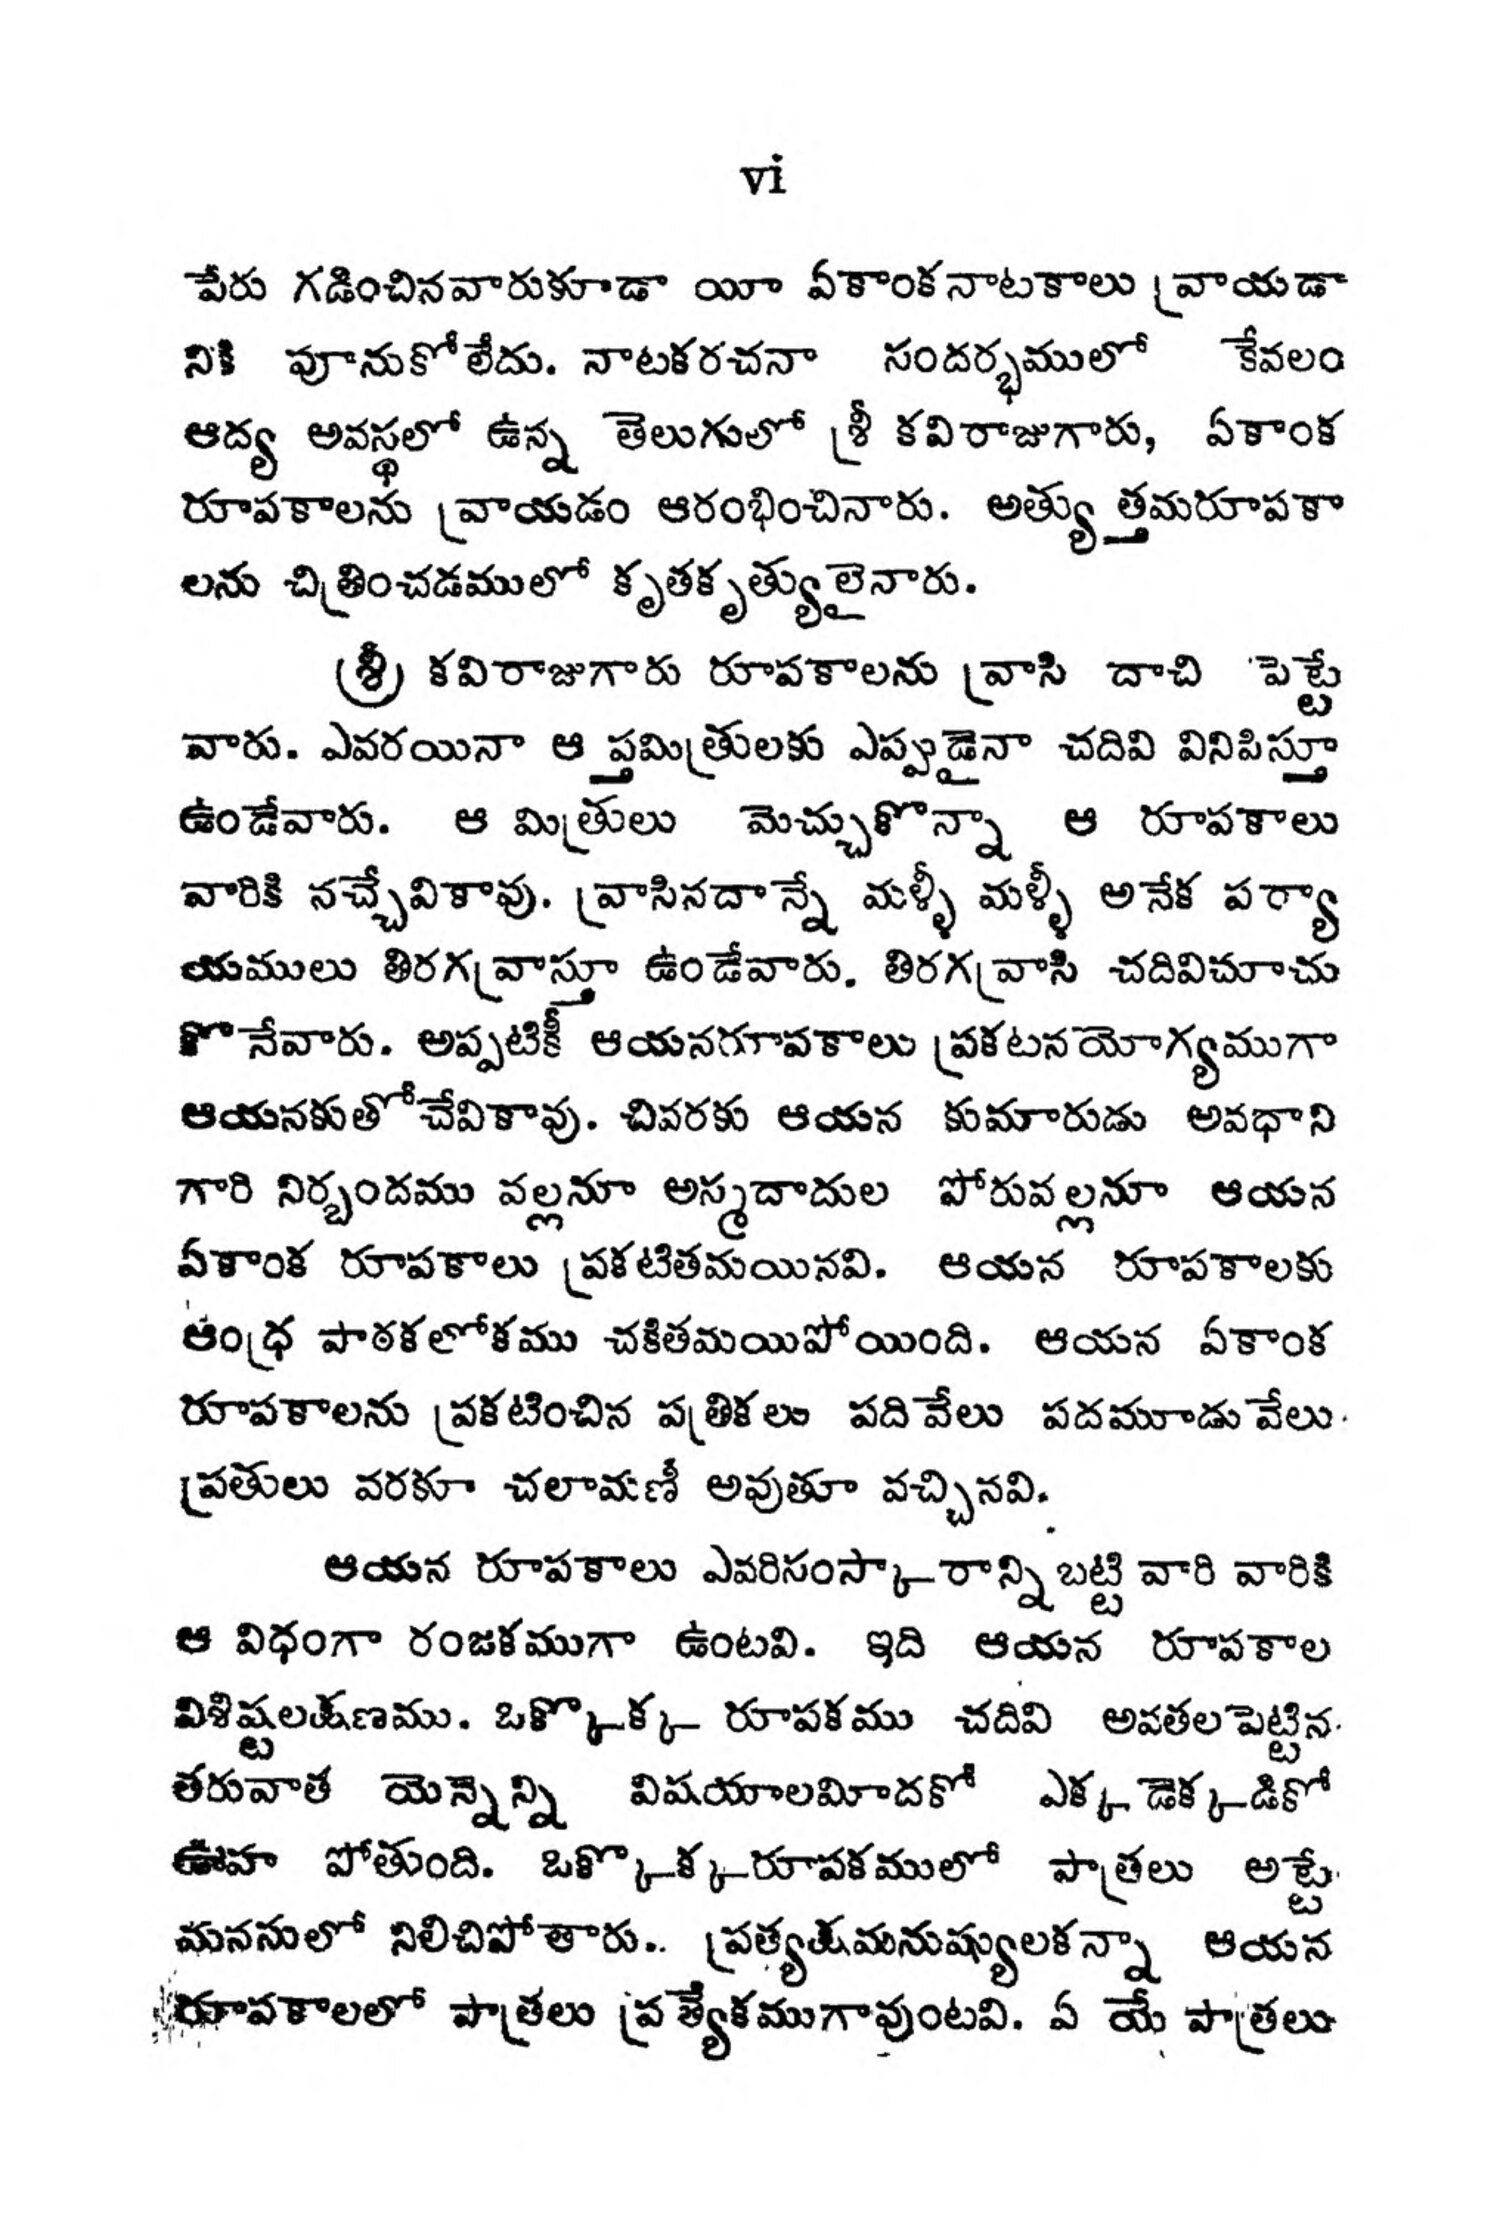పేరు గడించినవారుకూడా యీ ఏకాంకనాటకాలు వ్రాయడానికి పూనుకోలేదు. నాటకరచనా సందర్భములో కేవలం
ఆద్య అవస్థలో ఉన్న తెలుగులో శ్రీ కవిరాజుగారు, ఏకాంక రూపకాలను వ్రాయడం ఆరంభించినారు. అత్యుత్తమరూపకాలను చిత్రించడములో కృతకృత్యులైనారు.

శ్రీ కవిరాజుగారు రూపకాలను వ్రాసి దాచి పెట్టేవారు. ఎవరయినా ఆప్తమిత్రులకు ఎప్పుడైనా చదివి వినిపిస్తూ ఉండేవారు. ఆ మిత్రులు మెచ్చుకొన్నా ఆ రూపకాలు వారికి నచ్చేవికావు. వ్రాసినదాన్నే మళ్ళీ మళ్ళీ అనేక పర్యాయములు తిరగవ్రాస్తూ ఉండేవారు. తిరగవ్రాసి చదివిచూచుకొనేవారు. అప్పటికీ ఆయనరూపకాలు ప్రకటనయోగ్యముగా ఆయనకుతోచేవికావు. చివరకు ఆయన కుమారుడు అవధానిగారి నిర్భందము వల్లనూ అస్మదాదుల పోరువల్లనూ ఆయన ఏకాంక రూపకాలు ప్రకటితమయినవి. ఆయన రూపకాలకు ఆంధ్ర పాఠకలోకము చకితమయిపోయింది. ఆయన ఏకాంక రూపకాలను ప్రకటించిన పత్రికలు పదివేలు పదమూడువేలు ప్రతులు వరకూ చలామణీ అవుతూ వచ్చినవి.

ఆయన రూపకాలు ఎవరిసంస్కారాన్ని బట్టి వారి వారికి ఆ విధంగా రంజకముగా ఉంటవి. ఇది ఆయన రూపకాల
విశిష్టలక్షణము. ఒక్కొక్క రూపకము చదివి అవతలపెట్టిన తరువాత యెన్నెన్ని విషయాలమీదకో ఎక్క డెక్కడికో
ఊహ పోతుంది. ఒక్కొక్కరూపకములో పాత్రలు అట్టే మనసులో నిలిచిపోతారు.. ప్రత్యక్షమనుష్యులకన్నా ఆయన
రూపకాలలో పాత్రలు ప్రత్యేకముగా వుంటవి. ఏ యే పాత్రలు